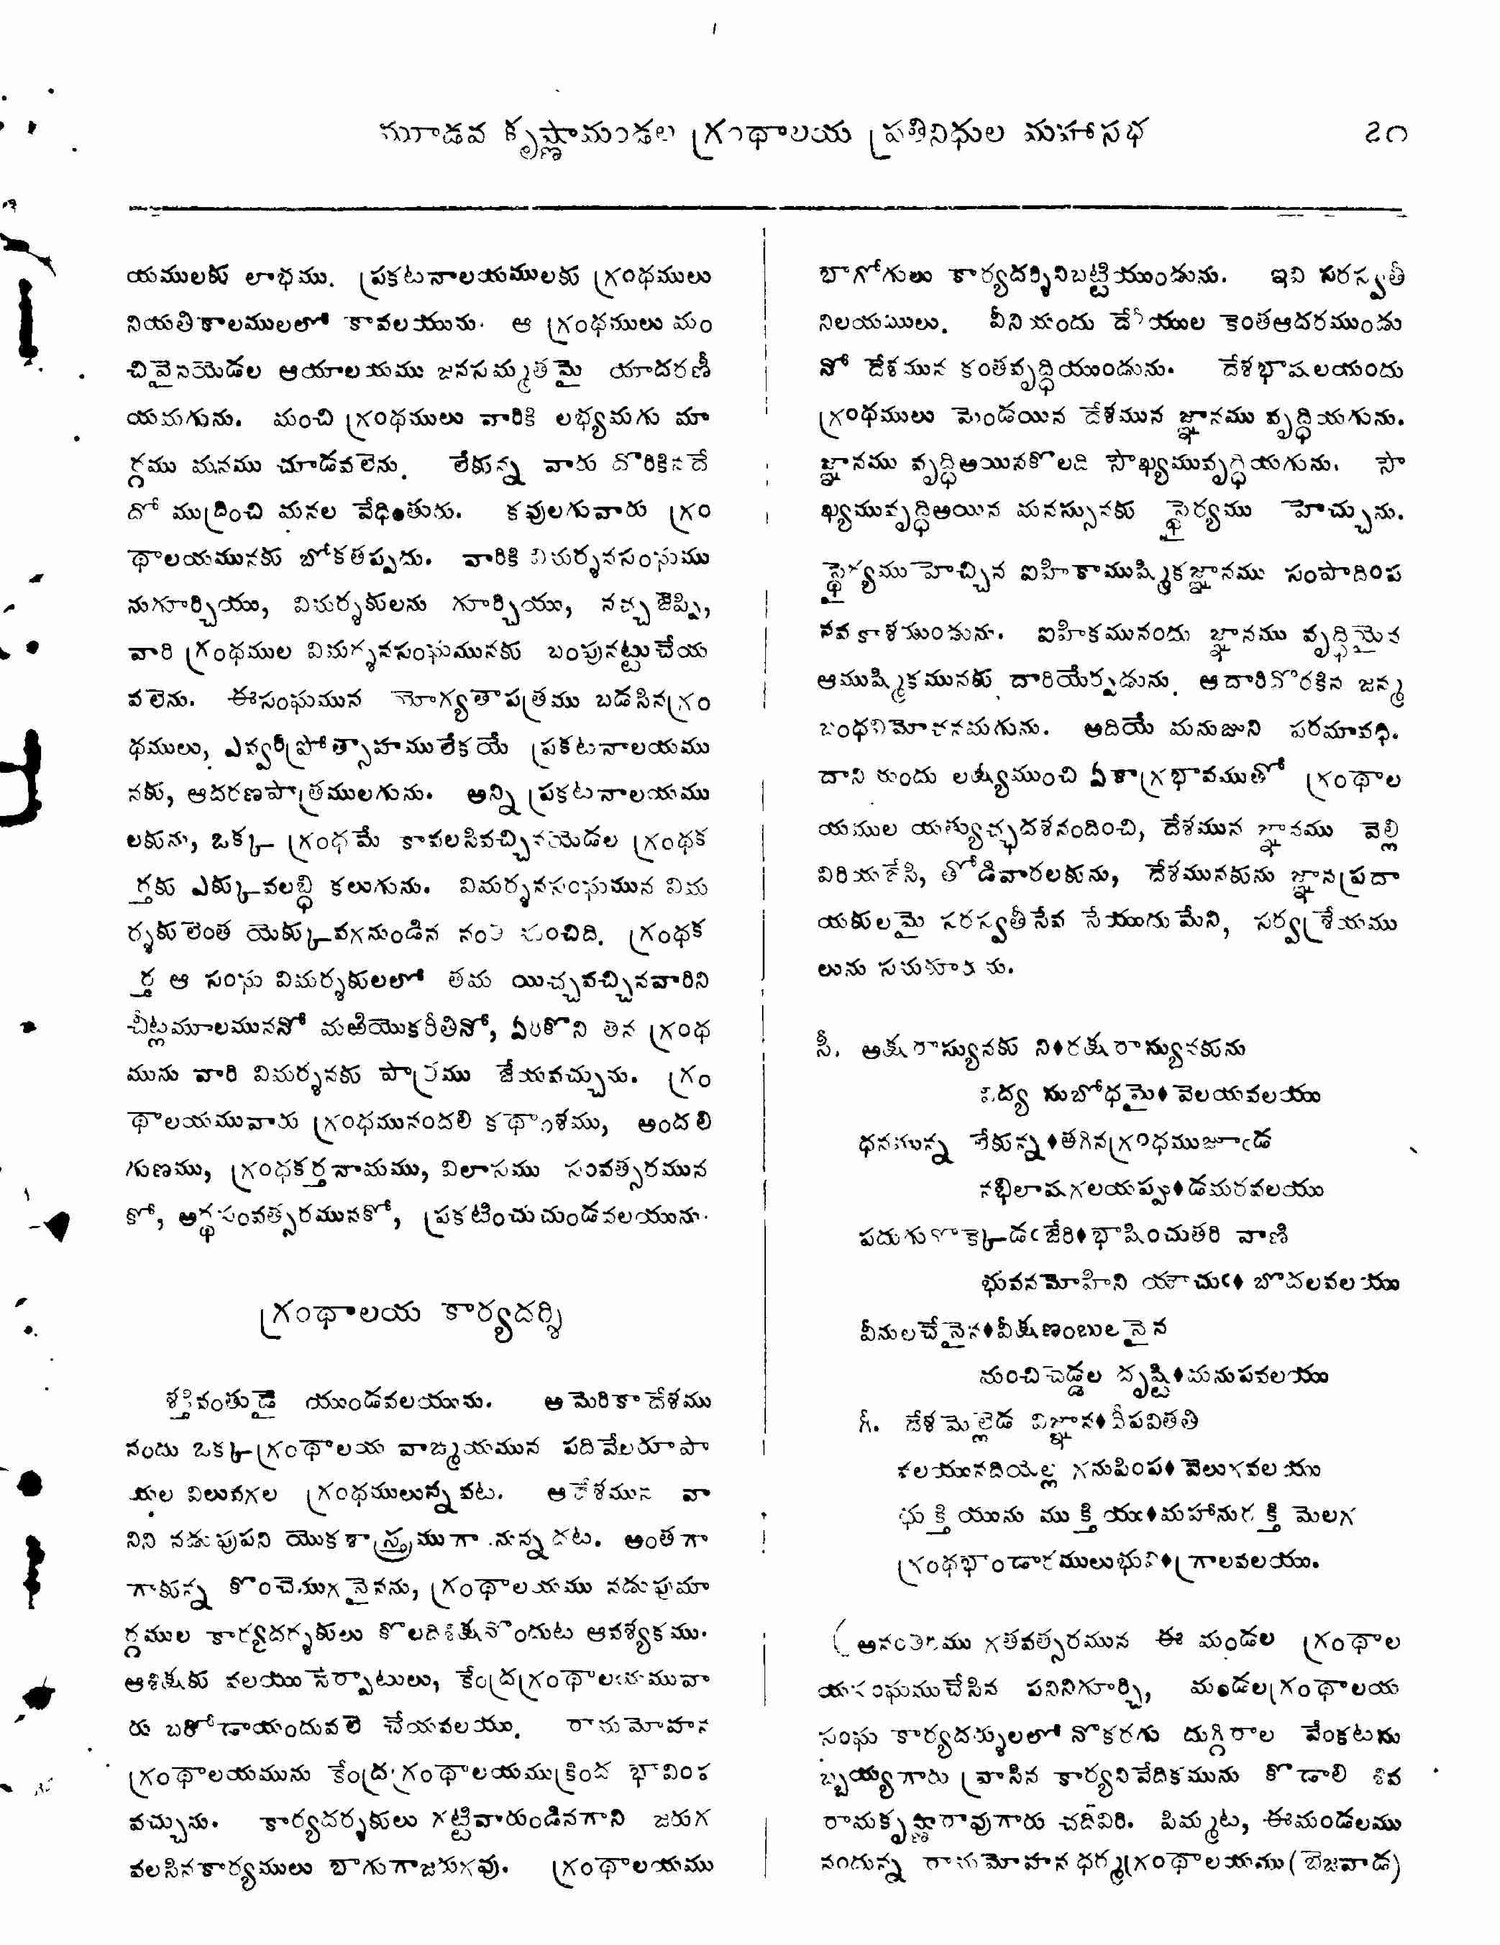యములకు లాభము, ప్రకటనాలయములకు గ్రంధములు నియతికాలములలో కావలయును. ఆ గ్రంథములు మంచివైనయెడల ఆయాలయము జనసమ్మతమై యాదరణీయమగును. మంచి గ్రంథములు వారికి లభ్యమగు మాగ్గము మనము చూడవలెను. లేకున్న వారు దొరికిన దేదో ముద్రించి మనల వేధింతురు. కవులగువారు గ్రంథాలయమునకు బోకతప్పదు. వారికి విమర్శన
సంఘమునుగూర్చియు, విమర్శకులను గూర్చియు, నచ్చజెప్పి, వారి గ్రంధముల విమర్శసంఘమునకు బంపునట్టుచేయవలెను. ఈసంఘమున యోగ్యతాపత్రము బడసిన గ్రంధములు, ఎవ్వరీప్రోత్సాహములేకయే ప్రకటనాలయమునకు, ఆదరణపాత్రములగును. అన్ని ప్రకటనాలయములకును, ఒక్క గ్రంధమే కావలసివచ్చినయెడల గ్రంధకర్తకు ఎక్కువలబ్ధి కలుగును. విమర్శనసంఘమున నిమర్శకు లెంత యెక్కువగనుండిన నంత మంచిది. గ్రంథకర్త ఆ సంఘ విమర్శకులలో తమ యిచ్చవచ్చినవారిని
చీట్లమూలముననో మఱియొకరీతినో, ఏరికొని తన గ్రంథమును వారి విమర్శనకు పాత్రము జేయవచ్చును. గ్రంథాలయమువారు గ్రంధమునందలి కథాంశము, అందలి గుణము, గ్రంధకర్త నామము, విలాసము సంవత్సరమునకో, అర్థసంవత్సరమునకో, ప్రకటించుచుండవలయును.

శక్తివంతుడై యుండవలయును. అమెరికాదేశము నందు ఒక్క గ్రంథాలయ వాఙ్మయమున పదివేలరూపాయల విలువగల గ్రంధములున్నవట. ఆదేశమున వానిని నడుపుపని యొకశాస్త్రముగా నున్నదట. అంతగాగాకున్న కొంచెముగ నైనను, గ్రంథాలయము నడుపుమాగ్గముల కార్యదర్శకులు కొలదిశిక్షనొందుట ఆవశ్యకము. ఆశిక్షకు వలయు నేర్పాటులు, కేంద్ర గ్రంథాలయము వారు బరోడాయందువలె చేయవలయు. రామమోహన గ్రంథాలయమును కేంద్రగ్రంథాలయము క్రింద భావింప
వచ్చును. కార్యదర్శకులు గట్టివారుండినగాని జరుగ వలసిన కార్యములు బాగుగా జరుగవు. గ్రంథాలయము భాగోగులు కార్యదర్శినిబట్టియుండును. ఇవి సరస్వతీ నిలయములు. వీనియందు దేశీయుల కెంత ఆదరముండునో దేశమున కంతవృద్ధియుండును. దేశభాషలయందు గ్రంధములు మె౦డయిన దేశమున జ్ఞానము వృద్ధియగును. జ్ఞానము వృద్ధిఅయినకొలది సౌఖ్యమువృద్ధియగును. సౌఖ్యమువృద్ధిఅయిన మనస్సునకు స్థైర్యము హెచ్చును. స్థైర్యము హెచ్చిన ఐహికాముష్మికజ్ఞానము సంపాదింపనవకాశముండును. ఐహికమునందు జ్ఞానము వృద్ధియైన ఆముష్మికమునకు దారియేర్పడును. ఆ దారి దొరకిన జన్మబంధవిమోచనమగును. అదియే మనుజుని పరమావధి. దానియందు లక్ష్యముంచి ఏకాగ్రభావముతో గ్రంథాలయముల యత్యుచ్ఛదశనందించి, దేశమునకు జ్ఞానము వెళ్లి విరియజేసి, తోడివారలకును, దేశమునకును జ్ఞానప్రదాయకులమై సరస్వతీసేవ సేయుదుమేని, సర్వశ్రేయములును సమకూరను.
 

సీ. అక్షరాస్యునకు ని ♦ రక్షరాన్యునకును
విద్య సుబోధమై ♦ వెలయవలయు
ధనమున్న లేకున్న ♦ తగిన గ్రంధముజూఁడ
నభిలాష గలయప్పు ♦ డమరవలయు
పదుగులొక్కెడఁజేరి ♦ భాషించుతరి వాణి
భువనమోహిని యౌచు ♦ బొదలవలయు
వీనులచేనైన ♦ వీక్షణంబులనైన
నుంచి చెడ్డల దృష్టి ♦ మనుపవలయు
గీ. దేశ మెల్లెడ విజ్ఞాన ♦ దీపవితతి
వలయునదియెల్ల గనుపింపం ♦ వెలుగవలయు
భుక్తియును ముక్తియు ♦ మహానురక్తి మెలగ
గ్రంథభాండారములుభువి ♦ గ్రాలవలయు. 

(అనంతరము గతవత్సరమున ఈ మండల గ్రంథాలయసంఘము చేసిన పనినిగూర్చి, మండల గ్రంథాలయ సంఘ- కార్యదర్శులలో నొకరగు దుగ్గిరాల వేంకటసుబ్బయ్యగారు వ్రాసిన కార్యనివేధికమును కొడాలి శివ రామకృష్ణారావుగారు చదివిరి. పిమ్మట, ఈమండలము సందున్న రామమోహన ధర్మగ్రంథాలయము (బెజవాడ)